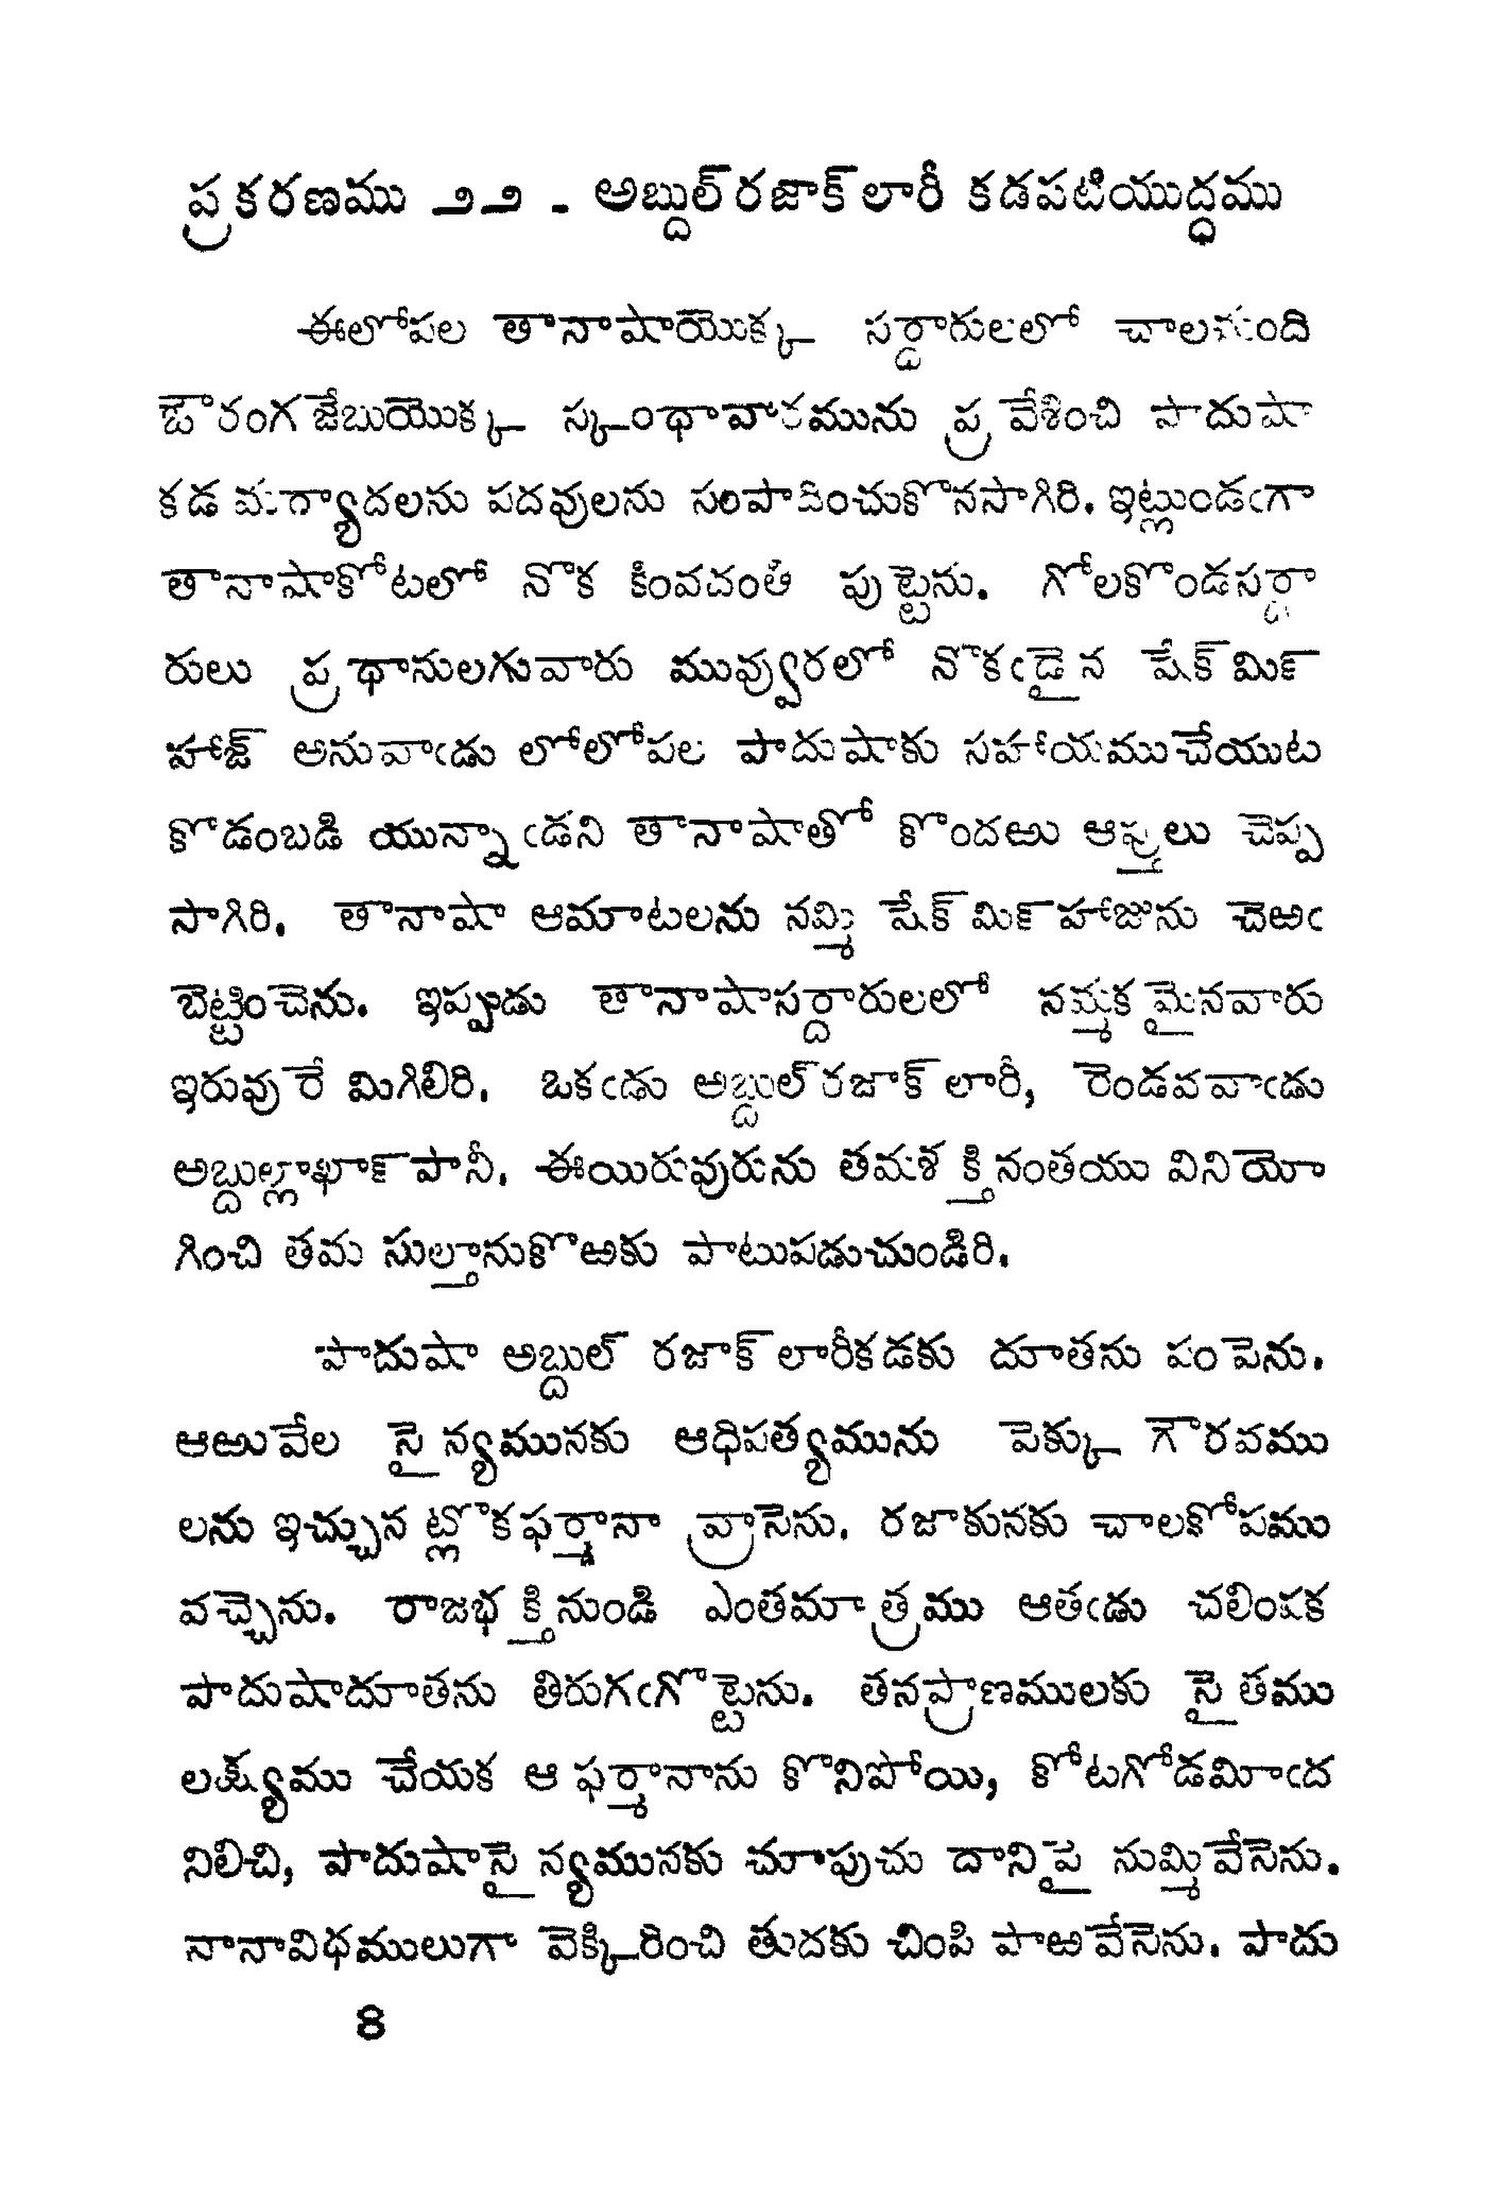ప్రకరణము ౨౨ - అబ్దుల్‌రజాక్‌లారీ కడపటియుద్ధము

ఈలోపల తానాషాయెుక్క సర్దారులలో చాలమంది ఔరంగజేబుయొక్క స్కంధావారమును ప్రవేశించి పాదుషా కడ మర్యాదలను పదవులను సంపాదించుకొనసాగిరి. ఇట్లుండఁగా తానాషాకోటలో నొక కింవదంతి పుట్టెను. గోలకొండసర్దారులు ప్రధానులగువారు మువ్వురలో నొకఁడైన షేక్‌మిౝహాజ్ అనువాఁడు లోలోపల పాదుషాకు సహయముచేయుట కొడంబడి యున్నాఁడని తానాషాతో కొందఱు ఆప్తులు చెప్ప సాగిరి. తానాషా ఆమాటలను నమ్మి షేక్‌మిౝహాజును చెఱఁ బెట్టించెను. ఇప్పడు తానాషాసర్దారులలో నమ్మకమైనవారు ఇరువురే మిగిలిరి. ఒకఁడు అబ్దుల్‌రజాక్‌లారీ, రెండవవాఁడు అబ్దుల్లాఖాౝపానీ. ఈయిరువురును తమశక్తినంతయు వినియోగించి తమ సుల్తానుకొఱకు పాటుపడుచుండిరి.

పాదుషా అబ్దుల్ రజాక్‌లారీకడకు దూతను పంపెను. ఆఱువేల సైన్యమునకు ఆధిపత్యమును పెక్కు గౌరవములను ఇచ్చున ట్లొకఫర్మానా వ్రాసెసు. రజాకునకు చాలకోపము వచ్చెను. రాజభక్తినుండి ఎంతమాత్రము ఆతఁడు చలింపక పాదుషాదూతను తిరుగఁగొట్టెను. తనప్రాణములకు సైతము లక్ష్యము చేయక ఆ ఫర్మానాను కొనిపోయి, కోటగోడమీఁద నిలిచి, పాదుషాసైన్యమునకు చూపుచు దానిపై నుమ్మివేసెను. నానావిధములుగా వెక్కిరించి తుదకు చింపి పాఱవేసెను. పాదు
8